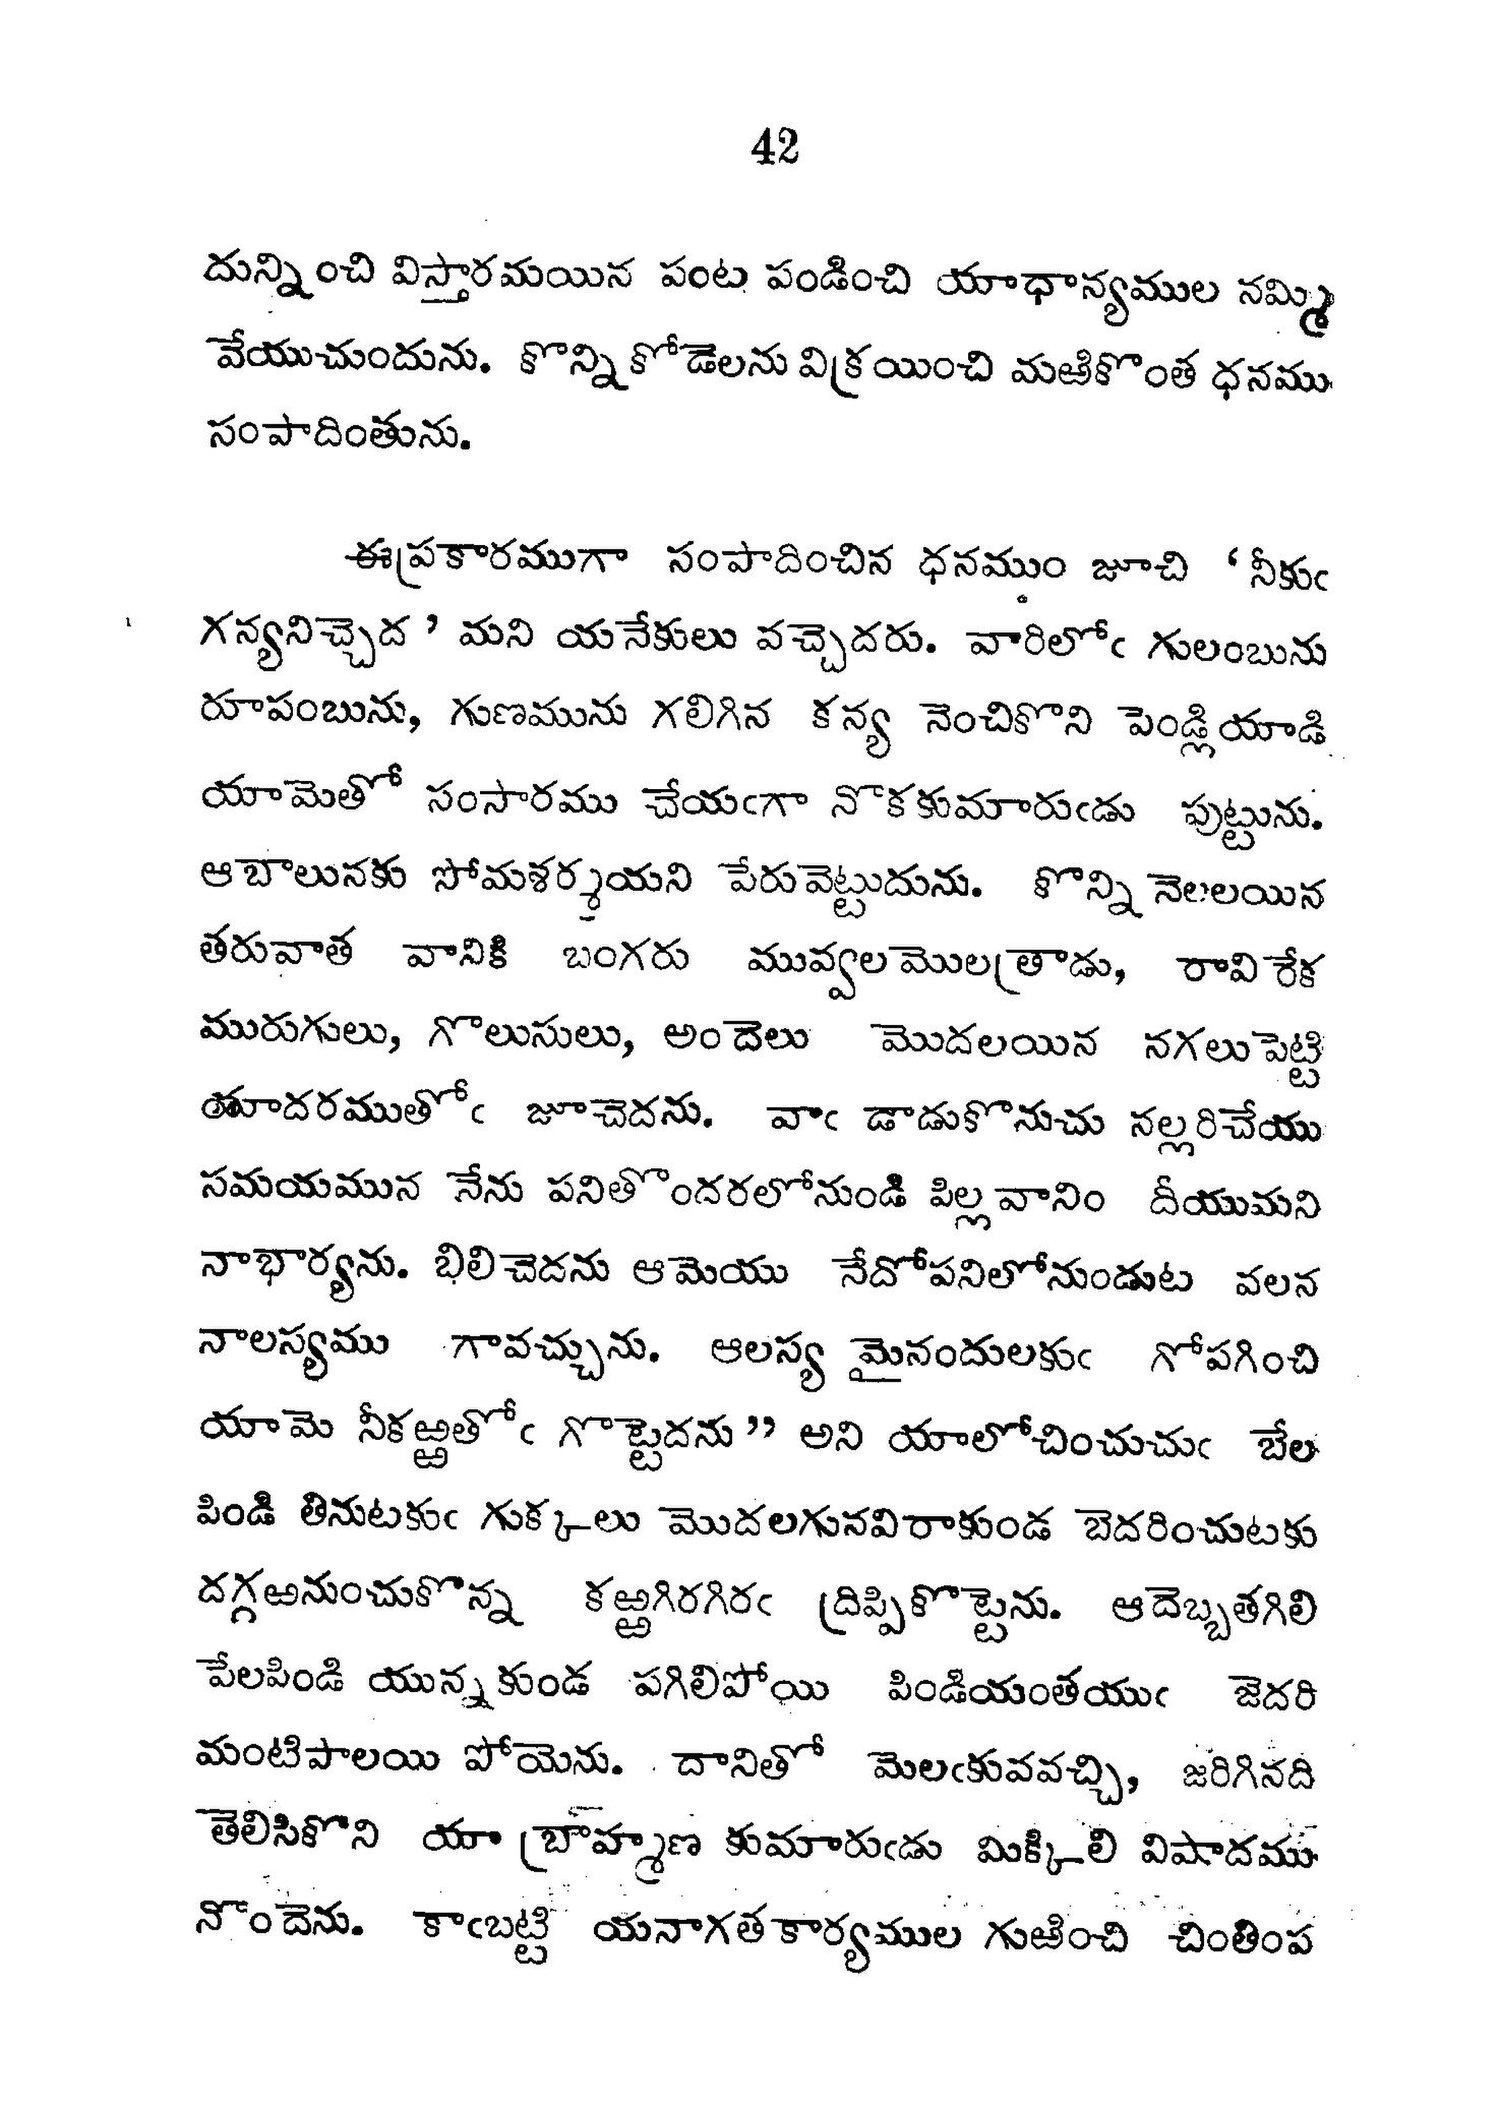దున్నించి విస్తారమయిన పంట పండించి యాధాన్యముల నమ్మివేయుచుందును. కొన్నికోడెలను విక్రయించి మఱికొంత ధనము సంపాదింతును.

ఈప్రకారముగా సంపాదించిన ధనముం జూచి "నీకు గన్యనిచ్చెద" మని యనేకులు వచ్చెదరు. వారిలో గులంబును రూపంబును, గుణమును గలిగిన కన్య నెంచికొని పెండ్లియాడి యామెతో సంసారము చేయగా నొకకుమారుడు పుట్టును. ఆబాలునకు సోమశర్మయని పేరువెట్టుదును. కొన్ని నెలలయిన తరువాత వానికి బంగరు మువ్వలమొలత్రాడు, రావిరేక మురుగులు, గొలుసులు, అందెలు మొదలయిన నగలుపెట్టి యాదరముతో జూచెదను. వా డాడుకొనుచు నల్లరిచేయు సమయమున నేను పనితొందరలోనుండి పిల్లవానిం దీయుమని నాభార్యను బిలిచెదను ఆమెయు నేదోపనిలోనుండుట వలన నాలస్యము గావచ్చును. ఆలస్య మైనందులకు గోపగించి యామె నీకఱ్ఱతో గొట్టెదను" అని యాలోచించుచు బేలపిండి తినుటకు గుక్కలు మొదలగునవిరాకుండ బెదరించుటకు దగ్గఱనుంచుకొన్న కఱ్ఱగిరగిర ద్రిప్పికొట్టెను. ఆదెబ్బతగిలి పేలపిండి యున్నకుండ పగిలిపోయి పిండియంతయు జెదరి మంటిపాలయి పోయెను. దానితో మెలకువవచ్చి, జరిగినది తెలిసికొని యా బ్ర్రహ్మణ కుమారుడు మిక్కిలి విషాదము నొందెను. కాబట్టి యనాగతకార్యముల గుఱించి చింతింప